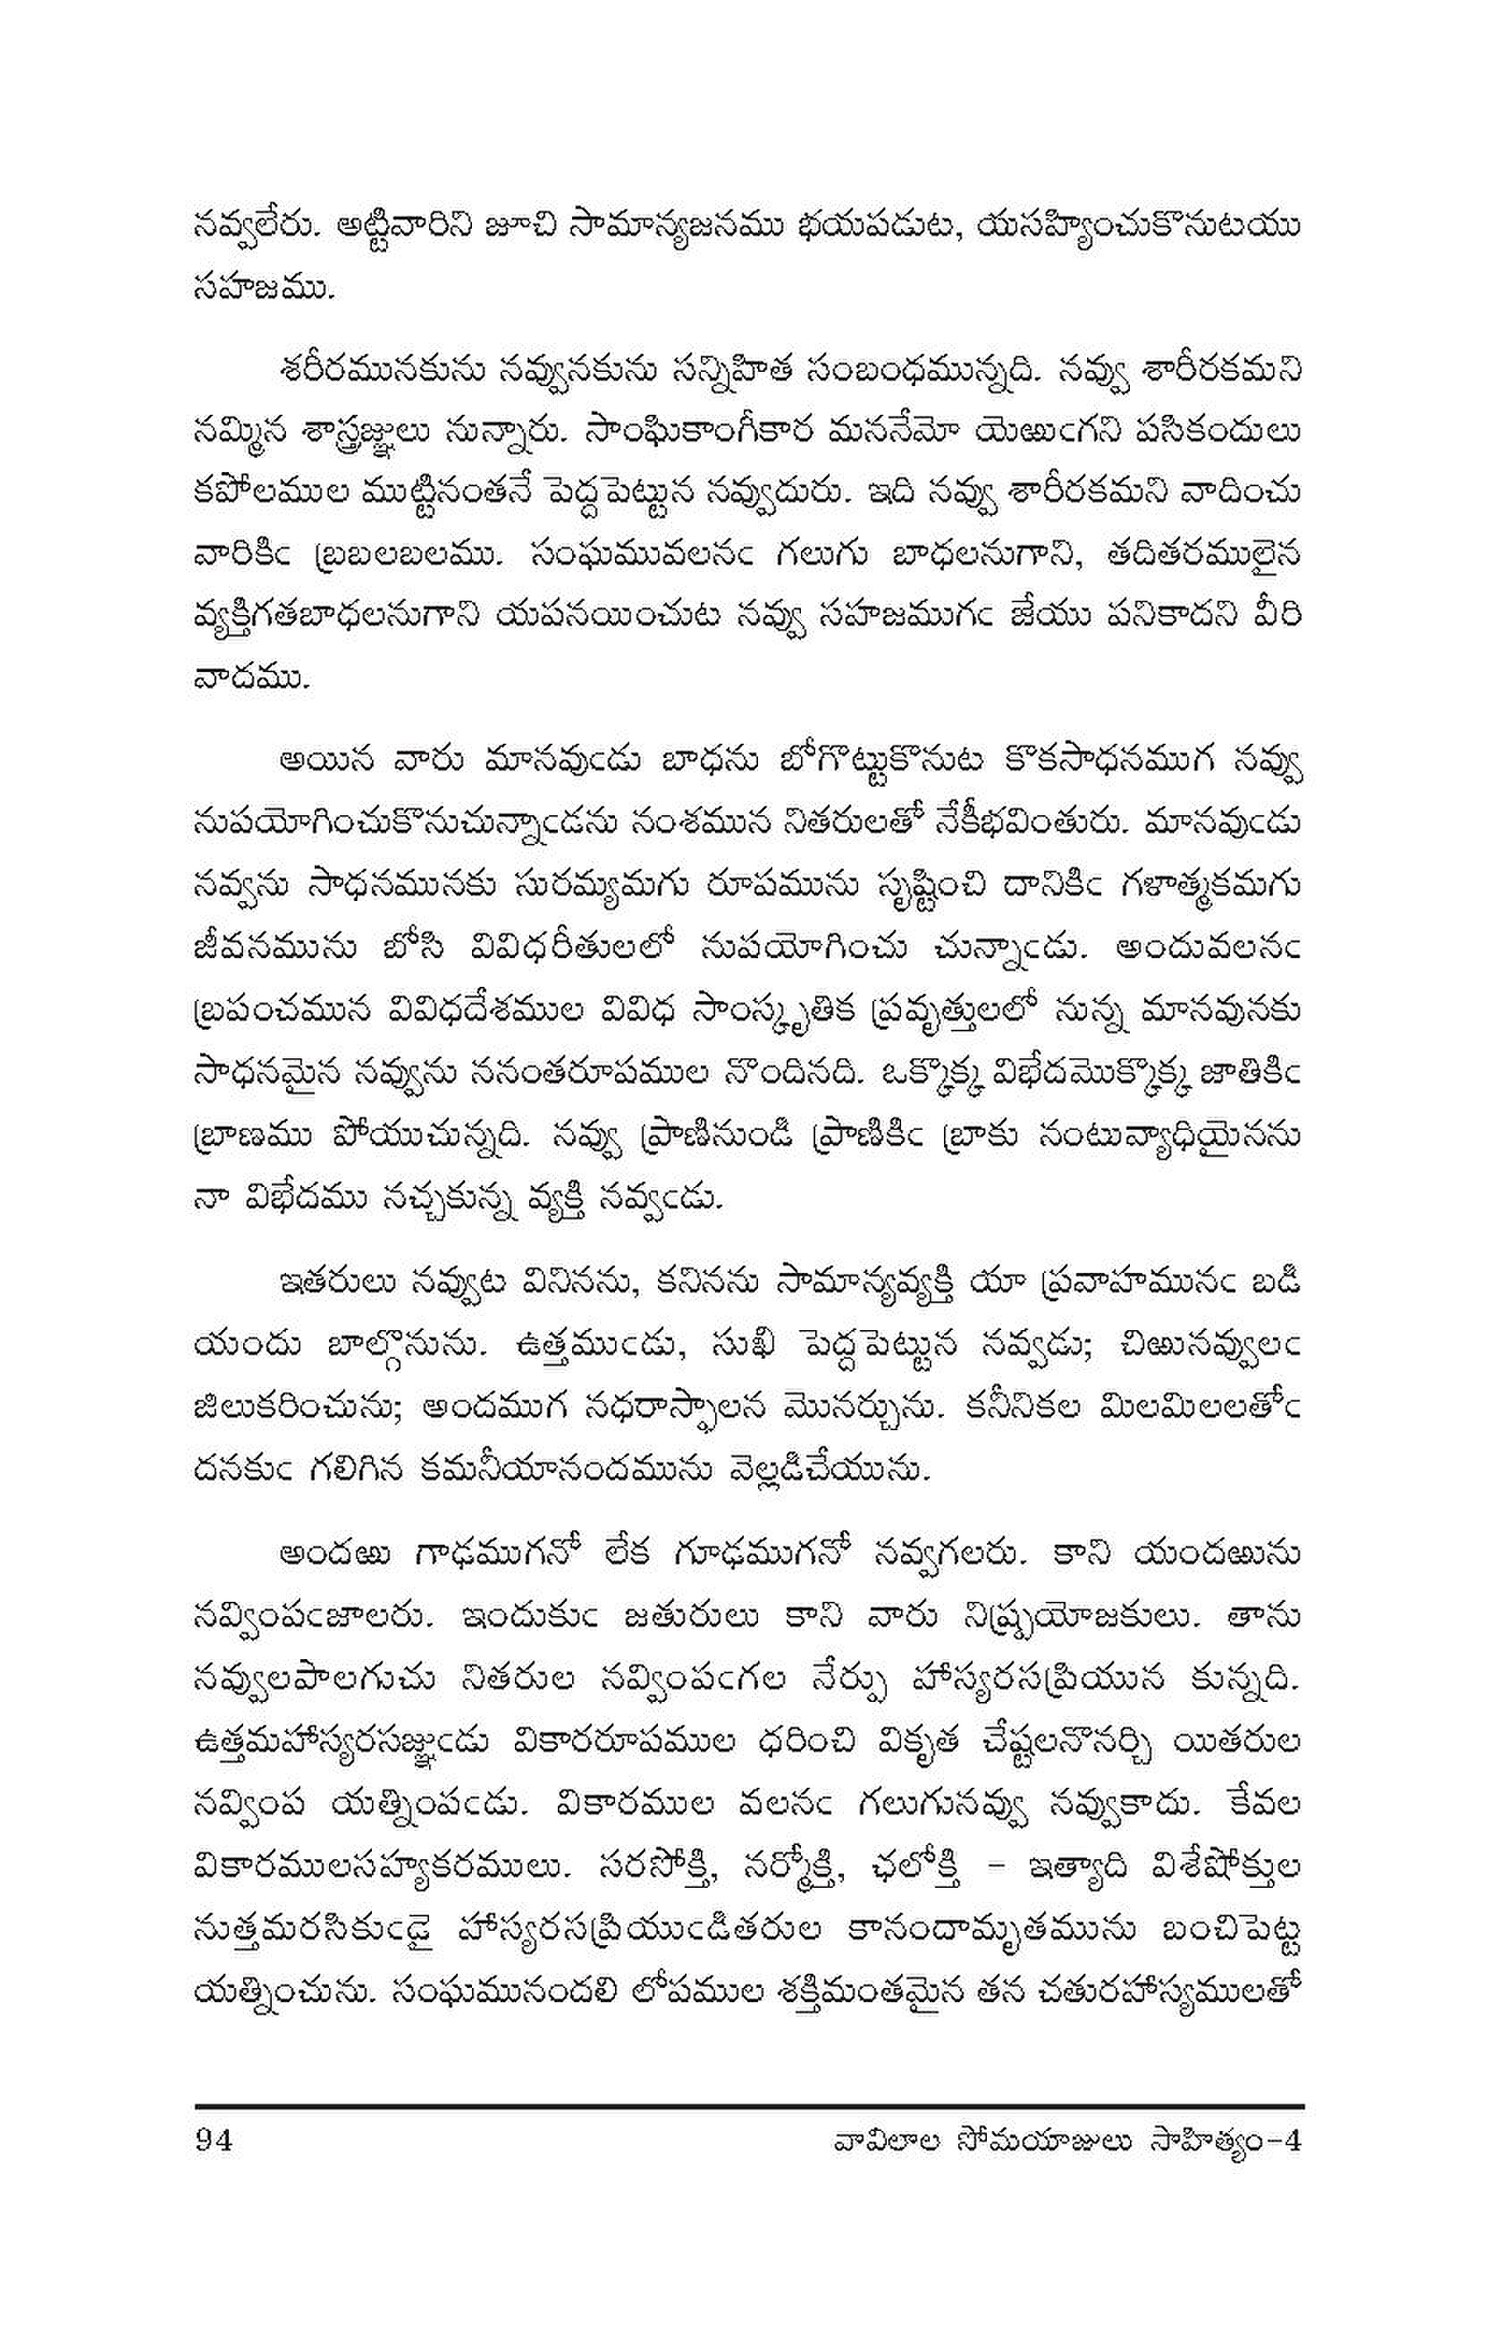నవ్వలేరు. అట్టివారిని జూచి సామాన్యజనము భయపడుట, యసహ్యించుకొనుటయు
సహజము.

శరీరమునకును నవ్వునకును సన్నిహిత సంబంధమున్నది. నవ్వు శారీరకమని
నమ్మిన శాస్త్రజ్ఞులు నున్నారు. సాంఘికాంగీకార మననేమో యెఱుఁగని పసికందులు
కపోలముల ముట్టినంతనే పెద్దపెట్టున నవ్వుదురు. ఇది నవ్వు శారీరకమని వాదించు
వారికిఁ బ్రబలబలము. సంఘమువలనఁ గలుగు బాధలనుగాని, తదితరములైన
వ్యక్తిగతబాధలనుగాని యపనయించుట నవ్వు సహజముగఁ జేయు పనికాదని వీరి
వాదము.

అయిన వారు మానవుఁడు బాధను బోగొట్టుకొనుట కొకసాధనముగ నవ్వు
నుపయోగించుకొనుచున్నాఁడను నంశమున నితరులతో నేకీభవింతురు. మానవుఁడు
నవ్వను సాధనమునకు సురమ్యమగు రూపమును సృష్టించి దానికిఁ గళాత్మకమగు
జీవనమును బోసి వివిధరీతులలో నుపయోగించు చున్నాఁడు. అందువలనఁ
బ్రపంచమున వివిధదేశముల వివిధ సాంస్కృతిక ప్రవృత్తులలో నున్న మానవునకు
సాధనమైన నవ్వును ననంతరూపముల నొందినది. ఒక్కొక్క విభేదమొక్కొక్క జాతికిఁ
బ్రాణము పోయుచున్నది. నవ్వు ప్రాణినుండి ప్రాణికిఁ బ్రాకు నంటువ్యాధియైనను
నా విభేదము నచ్చకున్న వ్యక్తి నవ్వఁడు.

ఇతరులు నవ్వుట వినినను, కనినను సామాన్యవ్యక్తి యా ప్రవాహమునఁ బడి
యందు బాల్గొనును. ఉత్తముఁడు, సుఖి పెద్దపెట్టున నవ్వడు; చిఱునవ్వులఁ
జిలుకరించును; అందముగ నధరాస్ఫాలన మొనర్చును. కనీనికల మిలమిలలతోఁ
దనకుఁ గలిగిన కమనీయానందమును వెల్లడిచేయును.

అందఱు గాఢముగనో లేక గూఢముగనో నవ్వగలరు. కాని యందఱును
నవ్వింపఁజాలరు. ఇందుకుఁ జతురులు కాని వారు నిష్ప్రయోజకులు. తాను
నవ్వులపాలగుచు నితరుల నవ్వింపఁగల నేర్పు హాస్యరసప్రియున కున్నది.
ఉత్తమహాస్యరసజ్ఞుఁడు వికారరూపముల ధరించి వికృత చేష్టలనొనర్చి యితరులు
నవ్వింప యత్నింపఁడు. వికారముల వలనఁ గలుగునవ్వు నవ్వుకాదు. కేవల
వికారములసహ్యకరములు. సరసోక్తి, నర్మోక్తి, ఛలోక్తి - ఇత్యాది విశేషోక్తుల
నుత్తమరసికుఁడై హాస్యరసప్రియుఁడితరుల కానందామృతమును బంచిపెట్ట
యత్నించును. సంఘమునందలి లోపముల శక్తిమంతమైన తన చతురహాస్యములతో
____________________________________________________________________________________________________